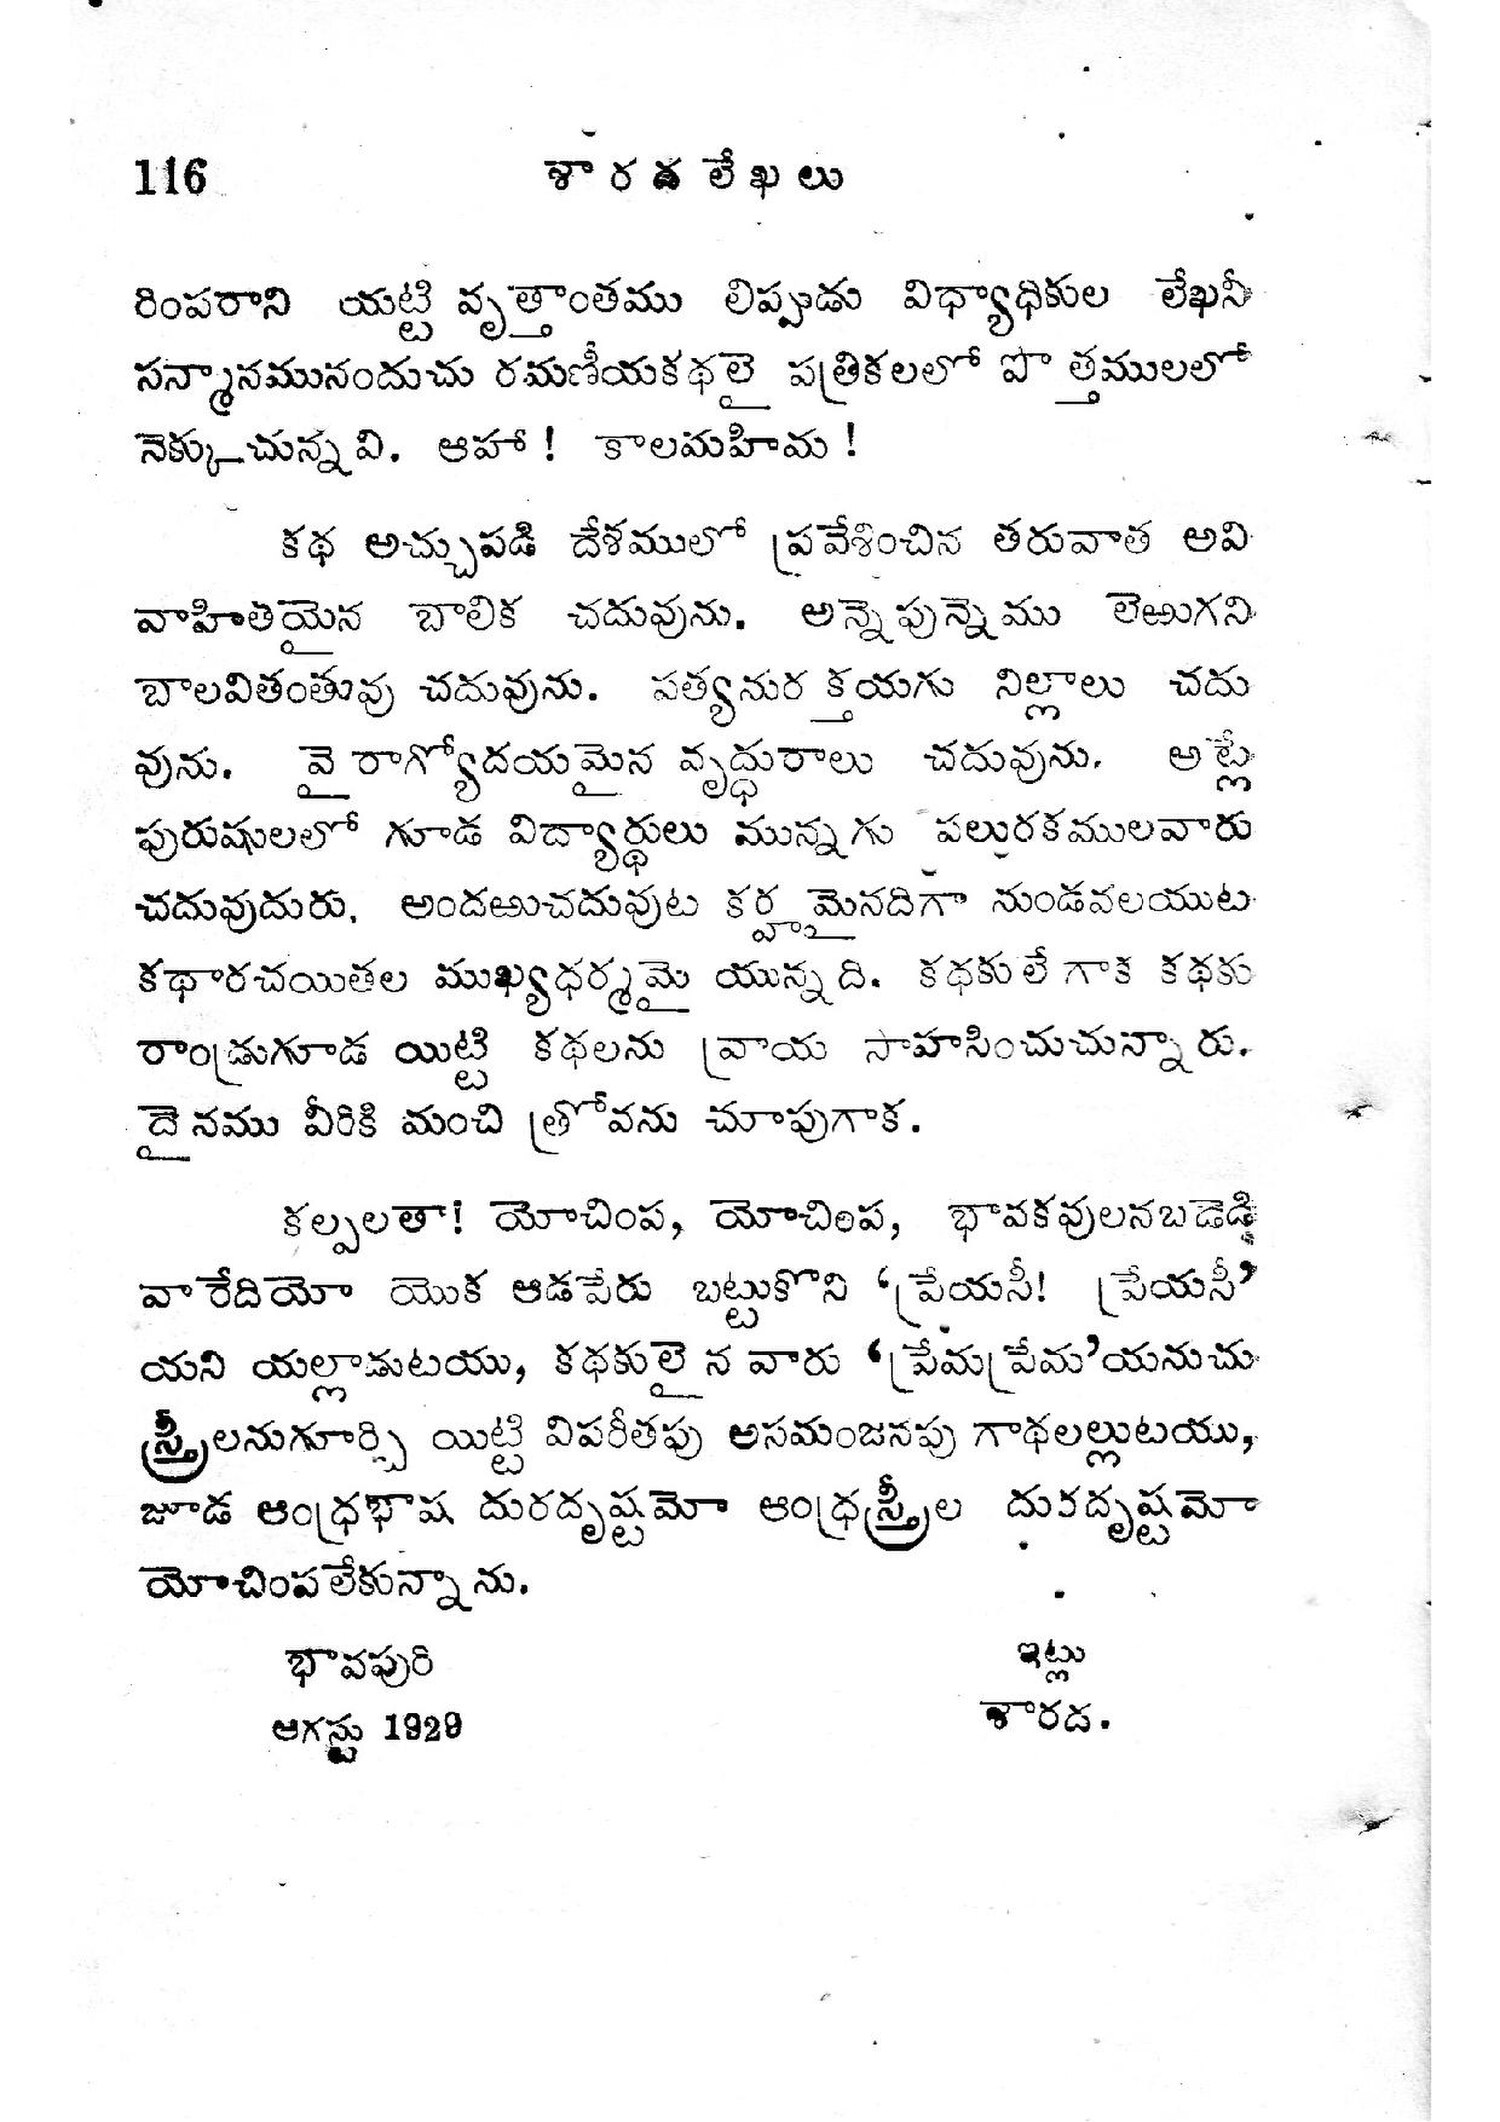రింపరాని యట్టి వృత్తాంతము లిప్పుడు విధ్యాధికుల లేఖనీ సన్మానమునందుచు రమణీయకథలై పత్రికలలో పొత్తములలో నెక్కుచున్నవి. ఆహా! కాలమహిమ !

కథ అచ్చుపడి దేశములో ప్రవేశించిన తరువాత అవివాహితయైన బాలిక చదువును. అన్నెపున్నెము లెఱుగని బాలవితంతువు చదువును. సత్యనురక్తయగు నిల్లాలు చదువును. వైరాగ్యోదయమైన వృద్ధురాలు చదువును. అట్లే పురుషులలో గూడ విద్యార్థులు మున్నగు పలురకములవారు చదువుదురు. అందఱు చదువుట కర్హమైనదిగా నుండవలయుట కథారచయితల ముఖ్యధర్మమై యున్నది. కథకులేగాక కథకురాండ్రుగూడ యిట్టి కథలను వ్రాయ సాహసించుచున్నారు. దైవము వీరికి మంచి త్రోవను చూపుగాక.

కల్పలతా! యోచింప, యోచింప, భావకవులనబడెడి వారేదియో యొక ఆడపేరు బట్టుకొని 'ప్రేయసీ! ప్రేయసీ' యని యల్లాడుటయు, కథకులైనవారు 'ప్రేమప్రేమ’యనుచు స్త్రీలనుగూర్చి యిట్టి విపరీతపు అసమంజసపు గాథలల్లుటయు, జూడ ఆంధ్రభాష దురదృష్టమో ఆంధ్రస్త్రీల దురదృష్టమో
యోచింపలేకున్నాను.